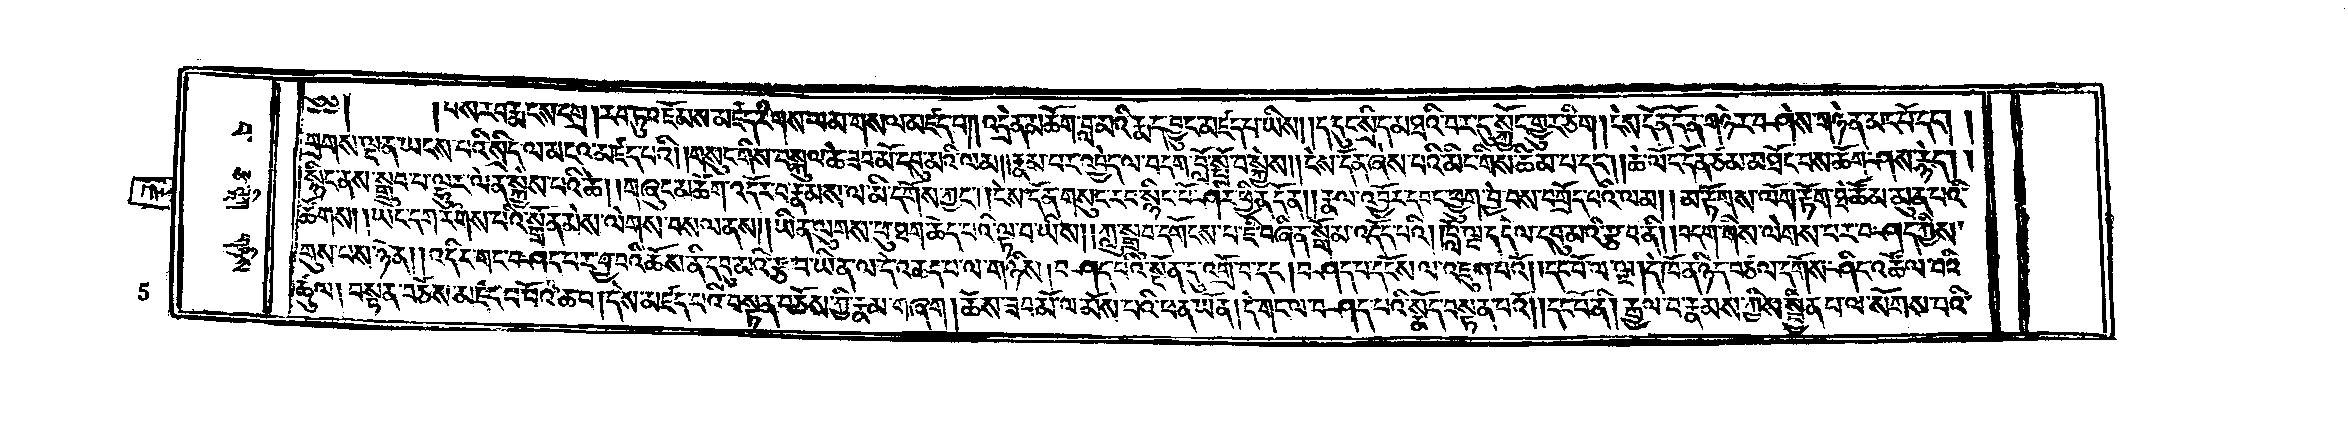༄༅། །པས་རབ་རྨངས་དགྲ། རབ་ཏུ་འཇོམས་མཛད་རིགས་ལམ་གསལ་མཛད་པ། །འདྲེན་མཆོག་བླ་མའི་རྨད་བྱུང་མཛད་པ་ཡིས། །ད་དུང་སྲིད་མཐའི་བར་དུ་སྐྱོང་གྱུར་ཅིག །ངེས་དོན་དོན་གཉེར་བཤེས་གཉེན་མང་པོ་དང་། །
གྲགས་ལྡན་ཡངས་པའི་སྲིད་ལ་མངའ་མཛད་པའི། །གསུང་གིས་བསྐུལ་ཆེ་ཟབ་མོའི་ལམ། །རྣམ་པར་འབྱེད་ལ་བདག་བློ་སྤྲོ་བ་སྐྱེས། །ངེས་དོན་ཞེས་པའི་མིང་གིས་ཚིམ་པ་དང་། །ཆེ་ལོང་དོན་ཙམ་མཐོང་བས་ཆོག་ཤས་རྙེད། །
སྙིང་ནས་སྒྲུབ་པ་ལྷུར་ལེན་སྐྱེས་པའི་ཆེ། གཞུང་མཆོག་འདོར་བ་རྣམས་ལ་མི་དགོས་ཀྱང་། །ངེས་དོན་གསུང་རབ་སྙིང་པོ་ཤེར་ཕྱིན་དོན། །རྣལ་འབྱོར་དབང་ཕྱུར་བྱེ་བས་བགྲོད་པའི་ལམ། །མ་རྟོགས་ལོག་རྟོག་ཐེ་ཚོམ་མུན་པའི་
ཚོགས། །ཡང་དག་རིགས་པའི་སྐྲོན་མེས་ལེགས་བསལ་ནས། །ཡིན་ལུགས་ཕུ་ཐག་ཆེད་པའི་ལྟ་བ་ཡིས། །ཀླུ་སྒྲུབ་དགོངས་པ་ཇི་བཞིན་སྒོམ་འདོད་པའི། །བློ་ལྡན་དེ་ལ་དབུ་མའི་རྩ་བ་ནི། །བདག་གིས་ལེགས་པར་བཤད་ཀྱིས་
གུས་པས་ཉིན། །འདིར་གང་བཤད་པར་བྱ་བའི་ཆོས་ནི་དབུ་མའི་རྩ་བ་ཡིན་ལ་དེ་འཆད་པ་ལ་གཉིས། །བཤད་པའི་སྔོན་དུ་འགྲོ་བ་དང་། །བཤད་པ་དངོས་ལ་འཇུག་པའོ། །དང་པོ་ལ་ལྔ། དེ་ཁོ་ན་ཉིད་བཙལ་དགོས་ཤིང་འཚོལ་བའི་
ཚུལ། བསྟན་བཅོས་མཛད་པ་པོའི་ཆ་བ། དེས་མཛད་པའི་བསྟན་བཅོས་ཀྱི་རྣམ་གཞག། ཆོས་ཟབ་མོ་ལ་མོས་པའི་ཕན་ཡོན། དེ་གང་ལ་བཤད་པའི་སྣོད་བསྟན་པའོ། །དང་པོ་ནི། རྒྱ་བ་རྣམས་ཀྱིས་སྦྱིན་པ་ལ་སོགས་པའི་